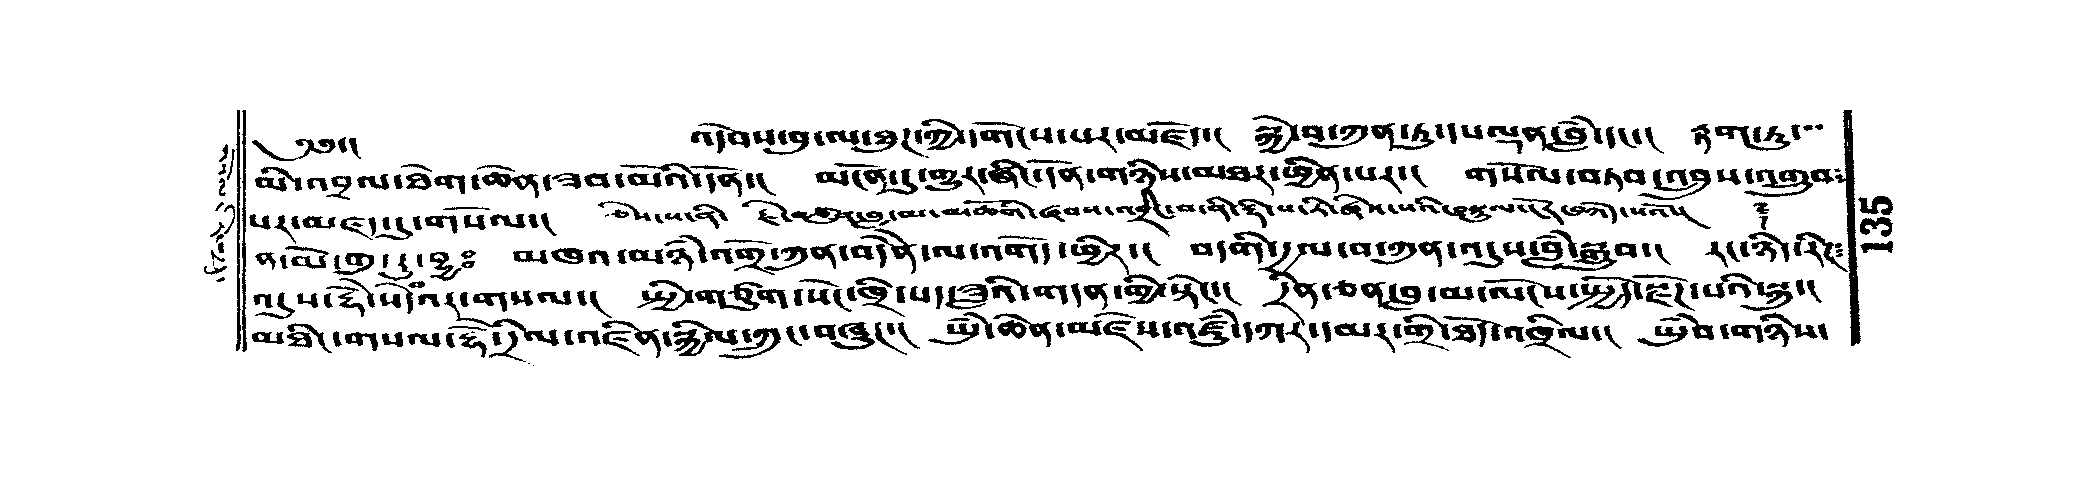འདེབས་བུ་ལ་ཐུགས་ཀྱི་དགོངས་པར་མཛོད། །སྐྱེ་བ་ཀུན་ཏུ་དཔལ་ལྡན་བླ་མ་དང་། །རྟག་ཏུ་
མི་འབྲལ་ཐེག་ཆེན་ཟབ་མོའི་དོན། །མངོན་དུ་གྱུར་ཞིང་དོན་གཉིས་མཐར་ཕྱིན་པར། །གསོལ་བཏབ་འབྲས་བུ་འགྲུབ་
པར་མཛད་དུ་གསོལ།ཅེས་པ་ནི་རྗེ་བཙུན་བླ་མ་མཆོག་གི་ཞབས་འབྲིང་བ་ནི་དྷི་པ་ཏེ་ཞེས་པའི་བསྐུལ་ངོར་བཀོད་པའོ།། ༈ 
ན་མོ་གུ་རུ་བྷྱཿ མཁའ་མཉམ་འགྲོ་ཀུན་བདེ་ཆེན་ལ་འགོད་ཕྱིར། །བདག་གི་རྒྱལ་བ་ཀུས་འདུས་བླ་མ་སྒྲུབ། །རང་ཉིད་རིགས་
འདུས་རྡོ་རྗེ་སེམས་དཔར་གསལ། །སྤྱི་གཙུག་སེང་ཁྲི་པད་ཟླའི་གདན་གྱི་སྟེང་། །དྲིན་ཅན་བླ་མ་ལོངས་སྤྱོད་རྫོགས་པའི་སྐུ། །
མཐིང་གསལ་རྡོ་རྗེ་དྲིལ་འཛིན་སྐྱིལ་ཀྲུང་བཞུགས། །ཡུམ་ཆེན་མཛེས་འཛུམ་དཀར་དམར་གྲི་ཐོད་འཁྲིལ། །ཡབ་ཡུམ་གཉིས་